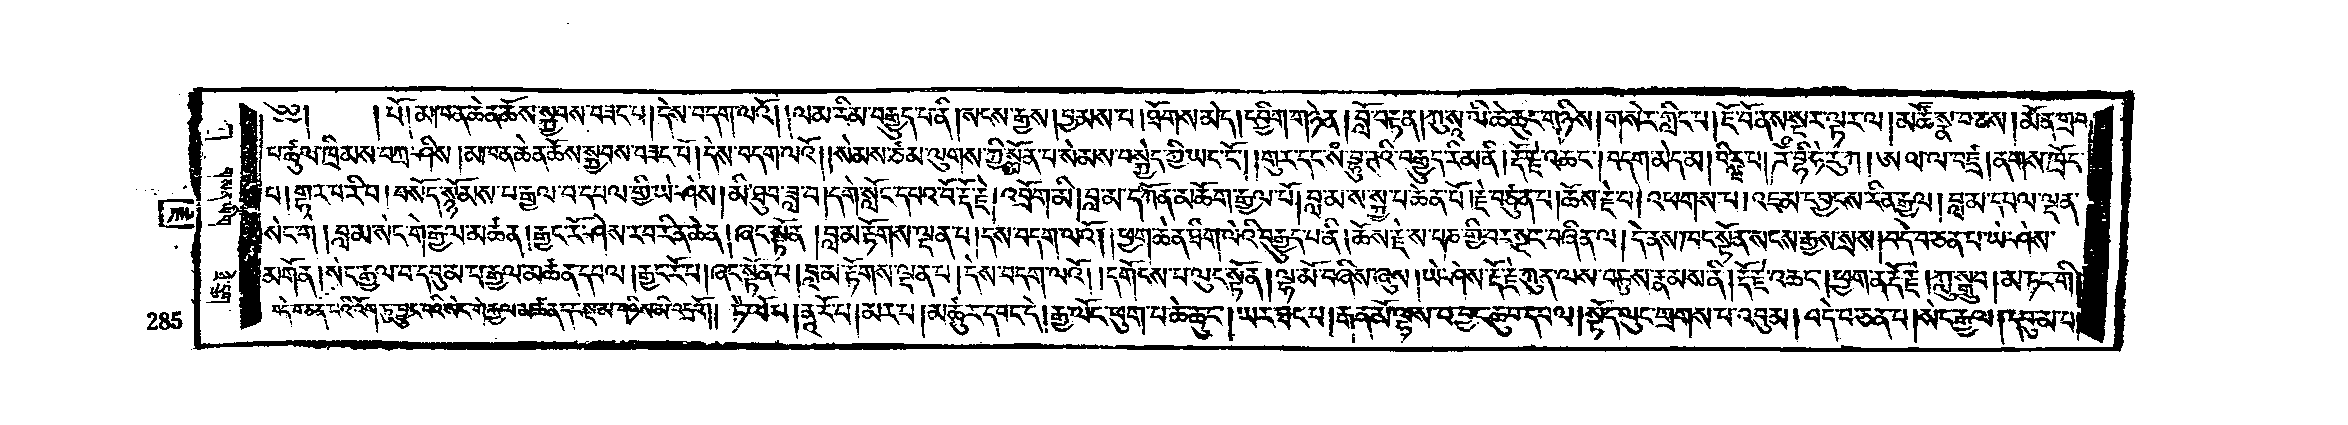༄༅། །པོ། མཁན་ཆེན་ཆོས་སྐྱབས་བཟང་པ། དེས་བདག་ལའོ། །ལམ་རིམ་བརྒྱུད་པ་ནི། སངས་རྒྱས། བྱམས་པ། ཐོགས་མེད། དབྱིག་གཉེན། བློ་བརྟན། ཀུ་སཱ་ལི་ཆེ་ཆུང་གཉིས། གསེར་གླིང་པ། ཇོ་བོ་ནས་སྔར་ལྟར་ལ། མཚོ་སྣ་བ་ནས། མོན་གྲབ་
པ་ཚུལ་ཁྲིམས་བཀྲ་ཤིས། མཁན་ཆེན་ཆོས་སྐྱབས་བཟང་པོ། དེས་བདག་ལའོ། །སེམས་ཙམ་ལུགས་ཀྱི་སྨོན་པ་སེམས་བསྐྱེད་ཀྱི་ཡང་ངོ། །གུར་དང་སཾ་བྷུ་ཊའི་བརྒྱུད་རིམ་ནི། རྡོ་རྗེ་འཆང་། བདག་མེད་མ། བིརྭ་པ། ཌོཾ་བྷི་ཧེ་རུ་ཀ། ཨ་ལ་ལ་བྫྲ། ནགས་ཁྲོད་
པ། གྷར་པ་རི་བ། བསོད་སྙོམས་པ་རྒྱལ་བ་དཔལ་གྱི་ཡེ་ཤེས། མི་ཐུབ་ཟླ་བ། དགེ་སློང་དཔའ་བོ་རྡོ་རྗེ། འབྲོག་མི། བླ་མ་དཀོན་མཆོག་རྒྱལ་པོ། བླ་མ་ས་སྐྱ་པ་ཆེན་པོ། རྗེ་བཙུན་པ། ཆོས་རྗེ་པ། འཕགས་པ། འཇམ་དབྱངས་རིན་རྒྱལ། བླ་མ་དཔལ་ལྡན་
སེང་གེ། བླ་མ་སེང་གེ་རྒྱལ་མཚན། རྒྱང་རོ་ཤེས་རབ་རིན་ཆེན། ཞང་སྟོན། བླ་མ་རྟོགས་ལྡན་པ། དས་བདག་ལའོ། །ཕྱག་ཆེན་ཐིག་ལེའི་བརྒྱུད་པ་ནི། ཆོས་རྗེ་ས་པཎ་གྱི་བར་སྔར་བཞིན་ལ། དེ་ནས་ཁང་སྟོན་སངས་རྒྱས་སྲས། བདེ་བ་ཅན་པ་ཡེ་ཤེས་
མགོན། སེང་རྒྱལ་བ་དབུ་མ་པ་རྒྱལ་མཚན་དཔལ། རྒྱང་རོ་པ། ཞང་སྟོན་པ། བླ་མ་རྟོགས་ལྡན་པ། དེས་བདག་ལའོ། །དགོངས་པ་ལུང་སྟོན། ལྷ་མོ་བཞིས་ཞུས། ཡེ་ཤེས་རྡོ་རྗེ་ཀུན་ལས་བཏུས་རྣམས་ནི། རྡོ་རྗེ་འཆང་། ཕྱག་ན་རྡོ་རྗེ། ཀླུ་སྒྲུབ། མ་ཏང་གི།
བདེ་བ་ཅན་པའི་འོག་ཏུ་བྱུང་བའི་སེང་གེ་རྒྱལ་མཚན་དང་སྔ་མ་གཉིས་མི་འདྲའོ།། ཏཻ་ལོ་པ། ནཱ་རོ་པ། མར་པ། མཚུར་དབང་དེ། རྒྱ་ལོང་ཕུག་པ་ཆེ་ཆུང་། ཡར་ཐང་པ། རྒན་མོ་ལྷས་པ་བྱང་ཆུབ་དཔལ། སྟོད་ལུང་གྲགས་པ་འབུམ། བདེ་བ་ཅན་པ། སེང་རྒྱལ། དབུ་མ་པ།